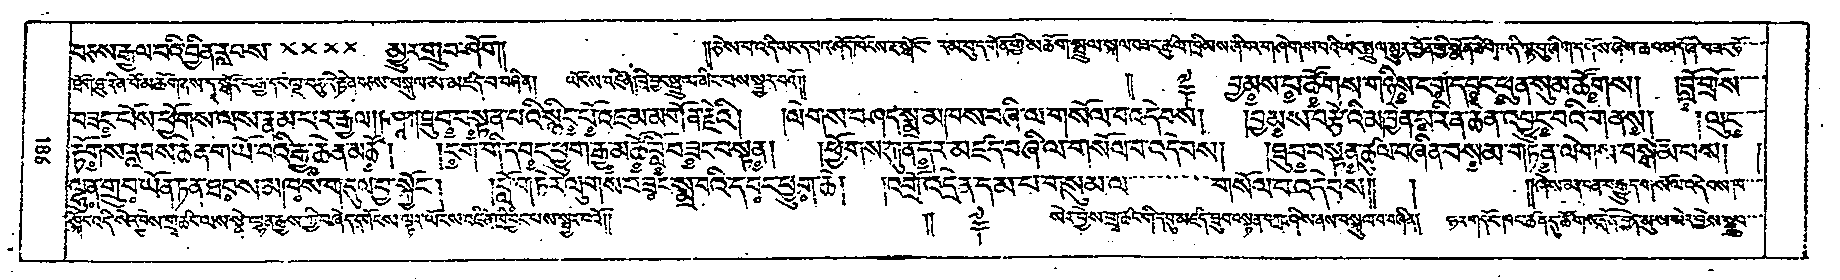བཅས་རྒྱལ་བའི་བྱིན་རླབས་྾་྾་྾་྾་མྱུར་གྲུབ་ཤོག ། །།ཅེས་པ་འདི་ཡང་དཔའ་ཤོད་ཁོངས་རྔ་སྒོང་རམ་བུ་དགོན་གྱི་མཆོག་སྤྲུལ་སྐལ་བཟང་ཚུལ་ཁྲིམས་ཞི་བར་གཤེགས་པའི་ཡང་སྤྲུལ་མྱུར་བྱོན་གྱི་སྨོན་ཚིག་འདི་ལྟ་བུ་ཞིག་དགོས་ཞེས་ཆབ་མདོ་ཞི་བཟང་ཧོ་
ཐོག་ཐུ་རིན་པོ་མཆོག་ནས་དཱ་སྒོར་བརྒྱ་དང་ལྔ་བཅུའི་རྟེན་བཅས་བསྐུལ་མ་མཛད་པ་བཞིན། ཡོངས་འཛིན་ཁྲི་བྱང་སྤྲུལ་མིང་པས་སྦྱར་བའོ།། །། ༈ བྱམས྾་པ྾་ཚོགས྾་གཉིས྾་ངག྾་དབང྾་ཕུན྾་སུམ྾་ཚོགས྾། །བློ྾་གྲོས་
བཟང྾་པོས་ཕྱོགས་ལས་རྣམ་པར་རྒྱལ། །ཤཱཀ་ཐུབ྾་བསྟན྾་པའི་སྙིང྾་པོ྾་འཇམ་མགོན་རྗེའི། །ལེགས་བཤད་སྨྲ་མཁས་བཞི་ལ་གསོལ་བ་འདེབས། །བྱམས྾་བརྩེའི་མཁྱེན་པ྾་རིན་ཆེན་འབྱུང྾་བའི་གནས྾། །ལུང྾་
རྟོགས྾་རླབས་ཆེན་གཡོ་བའི་རྒྱ྾་ཆེན་མཚོ྾། །ངག྾་གི་དབང྾་ཕྱུག་རྒྱ྾་མཚོ྾་བློ྾་བཟང྾་བསྟན྾། །ཕྱོགས་ཀུན་དར྾་མཛད་བཞི་ལ་གསོལ་བ་འདེབས། །ཐུབ྾་བསྟན྾་ཚུལ་བཞིན་བསམ྾་གཏན྾་ལེགས་བསྒོམ་པས། །
ལྷུན྾་གྲུབ྾་ཡོན་ཏན་ཐབས྾་མཁས྾་གདུལ་བྱ་སྐྱོང་། །བློ་གཏེར་ལུགས་བཟང྾་སྨྲ་བའི་དབང྾་ཕྱུག྾་ཆེ། །འགྲོ་འདྲེན་དམ་པ་གསུམ་ལ་གསོལ་བ་འདེབས།། ། །།ཞེས་མཁན་བརྒྱུད་གསོལ་འདེབས་ཁ་
སྐོང་འདི་སེར་བྱེས་གྲྭ་ཚང་ལས་སྣེ་ལྷན་རྒྱས་ཀྱི་བཞེད་དགོངས་ལྟར་ཡོངས་འཛིན་ཁྲི་བྱང་པས་སྦྱར་བའོ།། །། ༈ སེར་བྱེས་གྲྭ་ཚང་གི་དབུ་མཛད་ཐུབ་བསྟན་བཀྲ་ཤིས་ནས་བསྐུལ་བ་བཞིན། ཧར་གདོང་ཁང་ཚན་དུ་ཚོགས་དྲོན་བྱེད་མུས་སེར་བྱེས་སྒྲུབ་